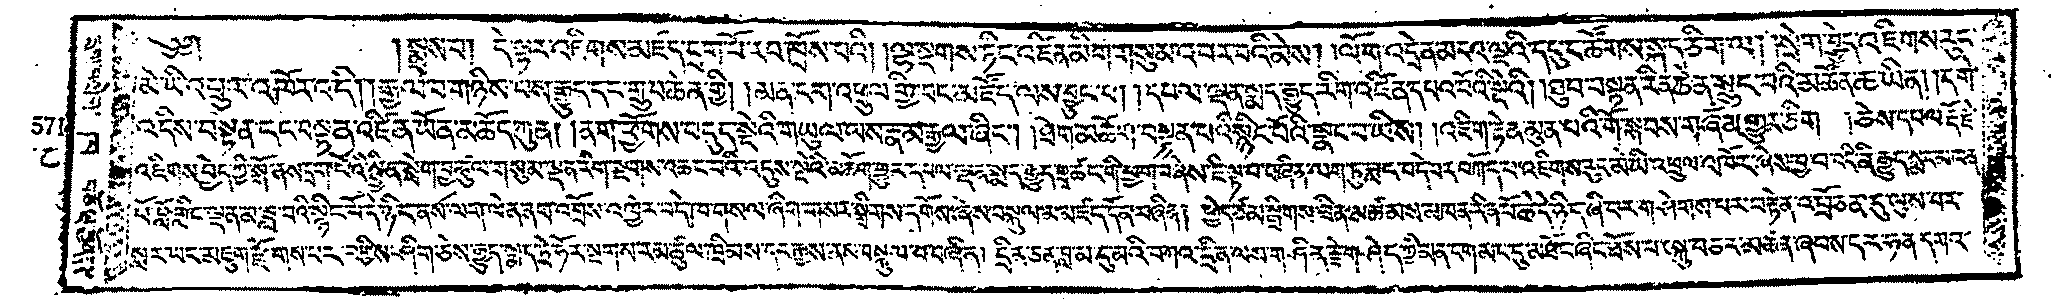༄༅། །སྨྲས་པ། དེ་ལྟར་འཇིགས་མཛད་དྲག་པོ་རབ་ཁྲོས་པའི། །ལྷ་སྡགས་ཏིང་འཛིན་མིག་གསུམ་འབར་བའི་མེས། །ལོག་འདྲེན་མདའ་ལྔའི་དངུ་ང་ཚོགས་སྐད་ཅིག་ལ། །སྲེག་བྱེད་འཇིགས་རུང་
མེ་ཡི་འཕྲུལ་འཁོར་འདི། །རྒྱལ་བ་གཉིས་པས་རྒྱུད་དང་གྲུབ་ཆེན་གྱི། །མན་ངག་འཕྲུལ་གྱི་བང་མཛོད་ལས་བྱུང་བ། །དཔལ་ལྡན་སྨད་རྒྱུད་རིག་འཛིན་དཔའ་བོའི་སྡེའི། །ཐུབ་བསྟན་རིན་ཆེན་སྲུང་བའི་མཚོན་ཆ་ཡིན། །དགེ་
འདིས་བསྟན་དང་བསྟན་འཛིན་ཡོན་མཆོད་ཀུན། །ནག་ཕྱོགས་བདུད་སྡེའི་གཡུལ་ལས་རྣམ་རྒྱལ་ཞིང་། །ཐེག་མཆོག་བསྟན་པའི་སྙིང་པོའི་སྣང་བ་ཡིས། །འཇིག་རྟེན་མུན་པའི་གོ་སྐབས་གཞོམ་གྱུར་ཅིག །ཅེས་དཔལ་རྡོ་རྗེ་
འཇིགས་བྱེད་ཀྱི་སྒོ་ནས་དྲག་པོའི་སྦྱིན་སྲེག་བྱ་ཚུལ་གསུམ་ལྡན་རིག་སྔགས་འཆང་བའི་འདུས་སྡེའི་མཆོག་གྱུར་དཔལ་ལྡན་སྨད་རྒྱུད་གྲྭ་ཚང་གི་ཕྱག་བཞེས་ཇི་ལྟ་བ་བཞིན་ལག་ཏུ་བླང་བདེ་བར་བཀོད་པ་འཇིགས་རུང་མེ་ཡི་འཕྲུལ་འཁོར་ཞེས་བྱ་བ་འདི་ནི་རྒྱུད་སྨད་མཁན་
པོ་བློ་གླིང་ལྡན་མ་ཟླ་བའི་སྙིང་པོ་དེ་ཉིད་ནས་ལག་ལེན་ནག་འགྲོས་འཁྱེར་བདེ་ཁ་གསལ་ཞིག་གསར་སྒྲིགས་དགོས་ཞེས་བསྐུལ་མ་མཛད་དོན་བཞིན། ཕྱེད་ཙམ་སྒྲིགས་ཟིན་མཚམས་མཁན་རིན་པོ་ཆེ་དེ་ཉིད་ཞི་བར་གཤེགས་པར་བརྟེན་འཕྲོ་ཅན་དུ་ལུས་པར་
སླར་ཡང་མཇུག་རྫོགས་པར་བགྱིས་ཤིག་ཅེས་རྒྱུད་སྨད་ཏྲེ་ཧོར་སྔགས་རམ་ཚུལ་ཁྲིམས་དར་རྒྱས་ནས་བསྐུལ་བ་བཞིན། དྲིན་ཅན་བླ་མས་དུ་མའི་བཀའ་དྲིན་ལས་གཤིན་རྗེ་གཤེད་ཀྱི་མན་ངག་མང་དུ་མཐོང་ཞིང་ཐོས་པ་སྐུ་བཅར་མཚན་ཞབས་དར་ཧན་དགའ་